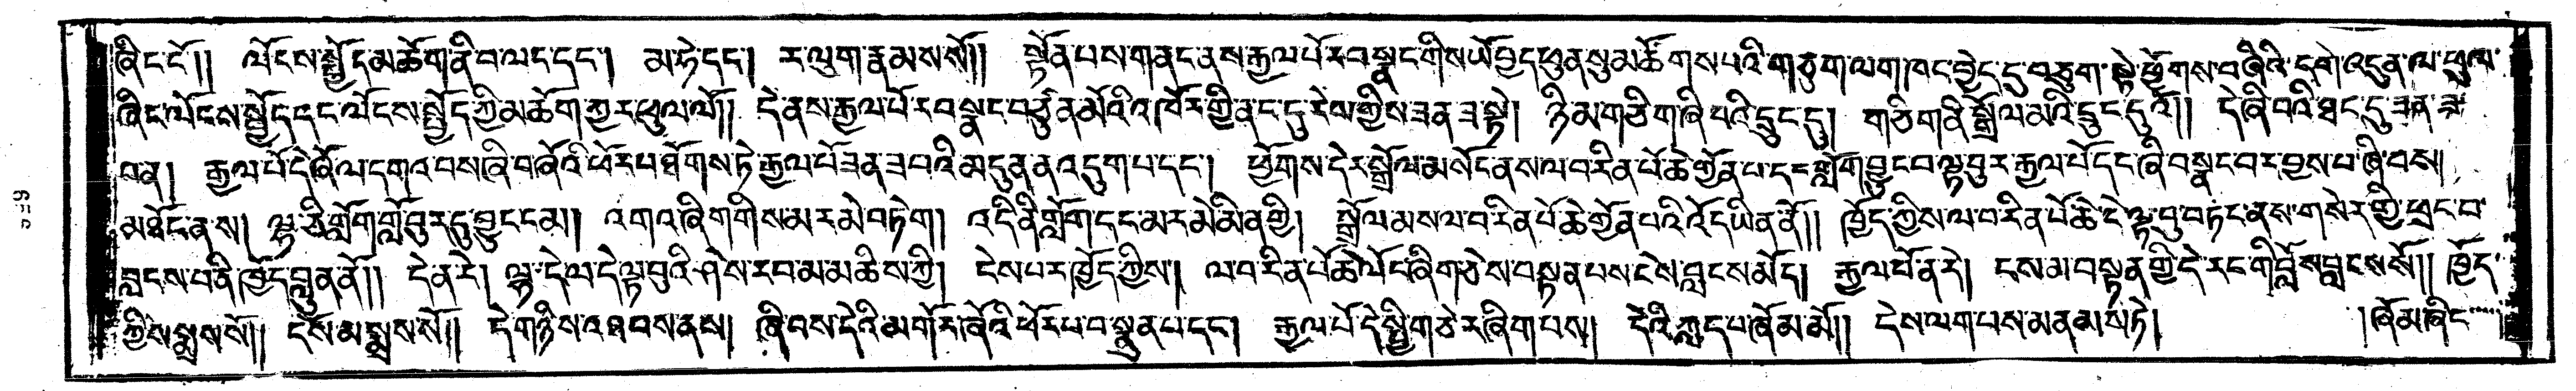ཞིང་ངོ།། ལོངས་སྤྱོད་མཆོག་ནི་བ་ལང་དང་། མ་ཧེ་དང་། ར་ལུག་རྣམས་སོ།། སྟོན་པས་གནང་ནས་རྒྱལ་པོ་རབ་སྣང་གིས་ཡོ་བྱད་ཕུན་སུམ་ཚོགས་པའི་གཅུག་ལག་ཁང་བྱེད་དུ་བཅུག་སྟེ་ཕྱོགས་བཞིའི་དགེ་འདུན་ལ་ཕུལ་
ཞིང་ལོངས་སྤྱོད་དང་ལོངས་སྤྱོད་ཀྱི་མཆོག་ཀྱར་ཕུལ་ལོ།། དེ་ནས་རྒྱལ་པོ་རབ་སྣང་བཙུན་མོའི་འཁོར་གྱི་ནང་དུ་རེས་གྱིས་ཟན་ཟ་སྟེ། ཉི་མ་གཅིག་ཞི་བའི་དྲུང་དུ། གཅིག་ནི་སྒྲོལ་མའི་དྲུང་དུའོ།། དེ་ཞི་བའི་ཐང་དུ་ཟན་ཟ་
བ་ན། རྒྱལ་པོ་དེ་ཞོལ་དགའ་བས་ཞི་བ་ཞོའི་ཕོར་པ་ཐོགས་ཏེ་རྒྱལ་པོ་ཟན་ཟ་བའི་མདུན་ན་འདུག་པ་དང་། ཕྱོགས་དེར་སྒྲོལ་མ་སོང་ནས་ལ་བ་རིན་པོ་ཆེ་གྱོན་པ་དང་གློག་བྱུང་བ་ལྟ་བུར་རྒྱལ་པོ་དང་ཞི་བསྣང་བར་བྱས་པ་ཞི་བས།
མཐོང་ནས། ལྷ་ཅི་གློག་གློ་བུར་དུ་བྱུང་ངམ། འགའ་ཞིག་གིས་མར་མེ་བཏེག། འདི་ནི་གློག་དང་མར་མེ་མིན་གྱི། སྒྲོལ་མས་ལ་བ་རིན་པོ་ཆེ་གྱོན་པའི་འོད་ཡིན་ནོ།། ཁྱོད་ཀྱིས་ལ་བ་རིན་པོ་ཆེ་དེ་ལྟ་བུ་བཏང་ནས་གསེར་གྱི་ཕྲང་བ་
བླངས་བ་ནི་ཁྱོད་བླུན་ནོ།། དེ་ན་རེ། ལྟ་དེ་ལ་དེ་ལྟ་བུའ་ཤེས་རབ་མ་མཆིས་ཀྱི། ངེས་པར་ཁྱོད་ཀྱིས། ལ་བ་རིན་པོ་ཆེ་ལོང་ཞིག་ཅེས་བསྟན་པས་ངེས་བླངས་མོད། རྒྱལ་བོ་ན་རེ། ངས་མ་བསྟན་གྱི་དེ་རང་གི་བློས་བླངས་སོ།། ཁྱོད་
ཀྱིས་སྨྲས་སོ།། ངོས་མ་སྨྲས་སོ།། དེ་གཉིས་འཐབས་ནས། ཞི་བས་དེའི་མགོར་ཞོའི་ཕོར་པ་བ་སྣུན་པ་དང་། རྒྱལ་པོ་དེ་སྤྱི་གཅེར་ཞིག་པས། དེའི་ཀླད་པ་ཞོམ་མོ།། དེས་ལག་པས་མནམས་ཏེ། །ཞོམ་ཞིང་